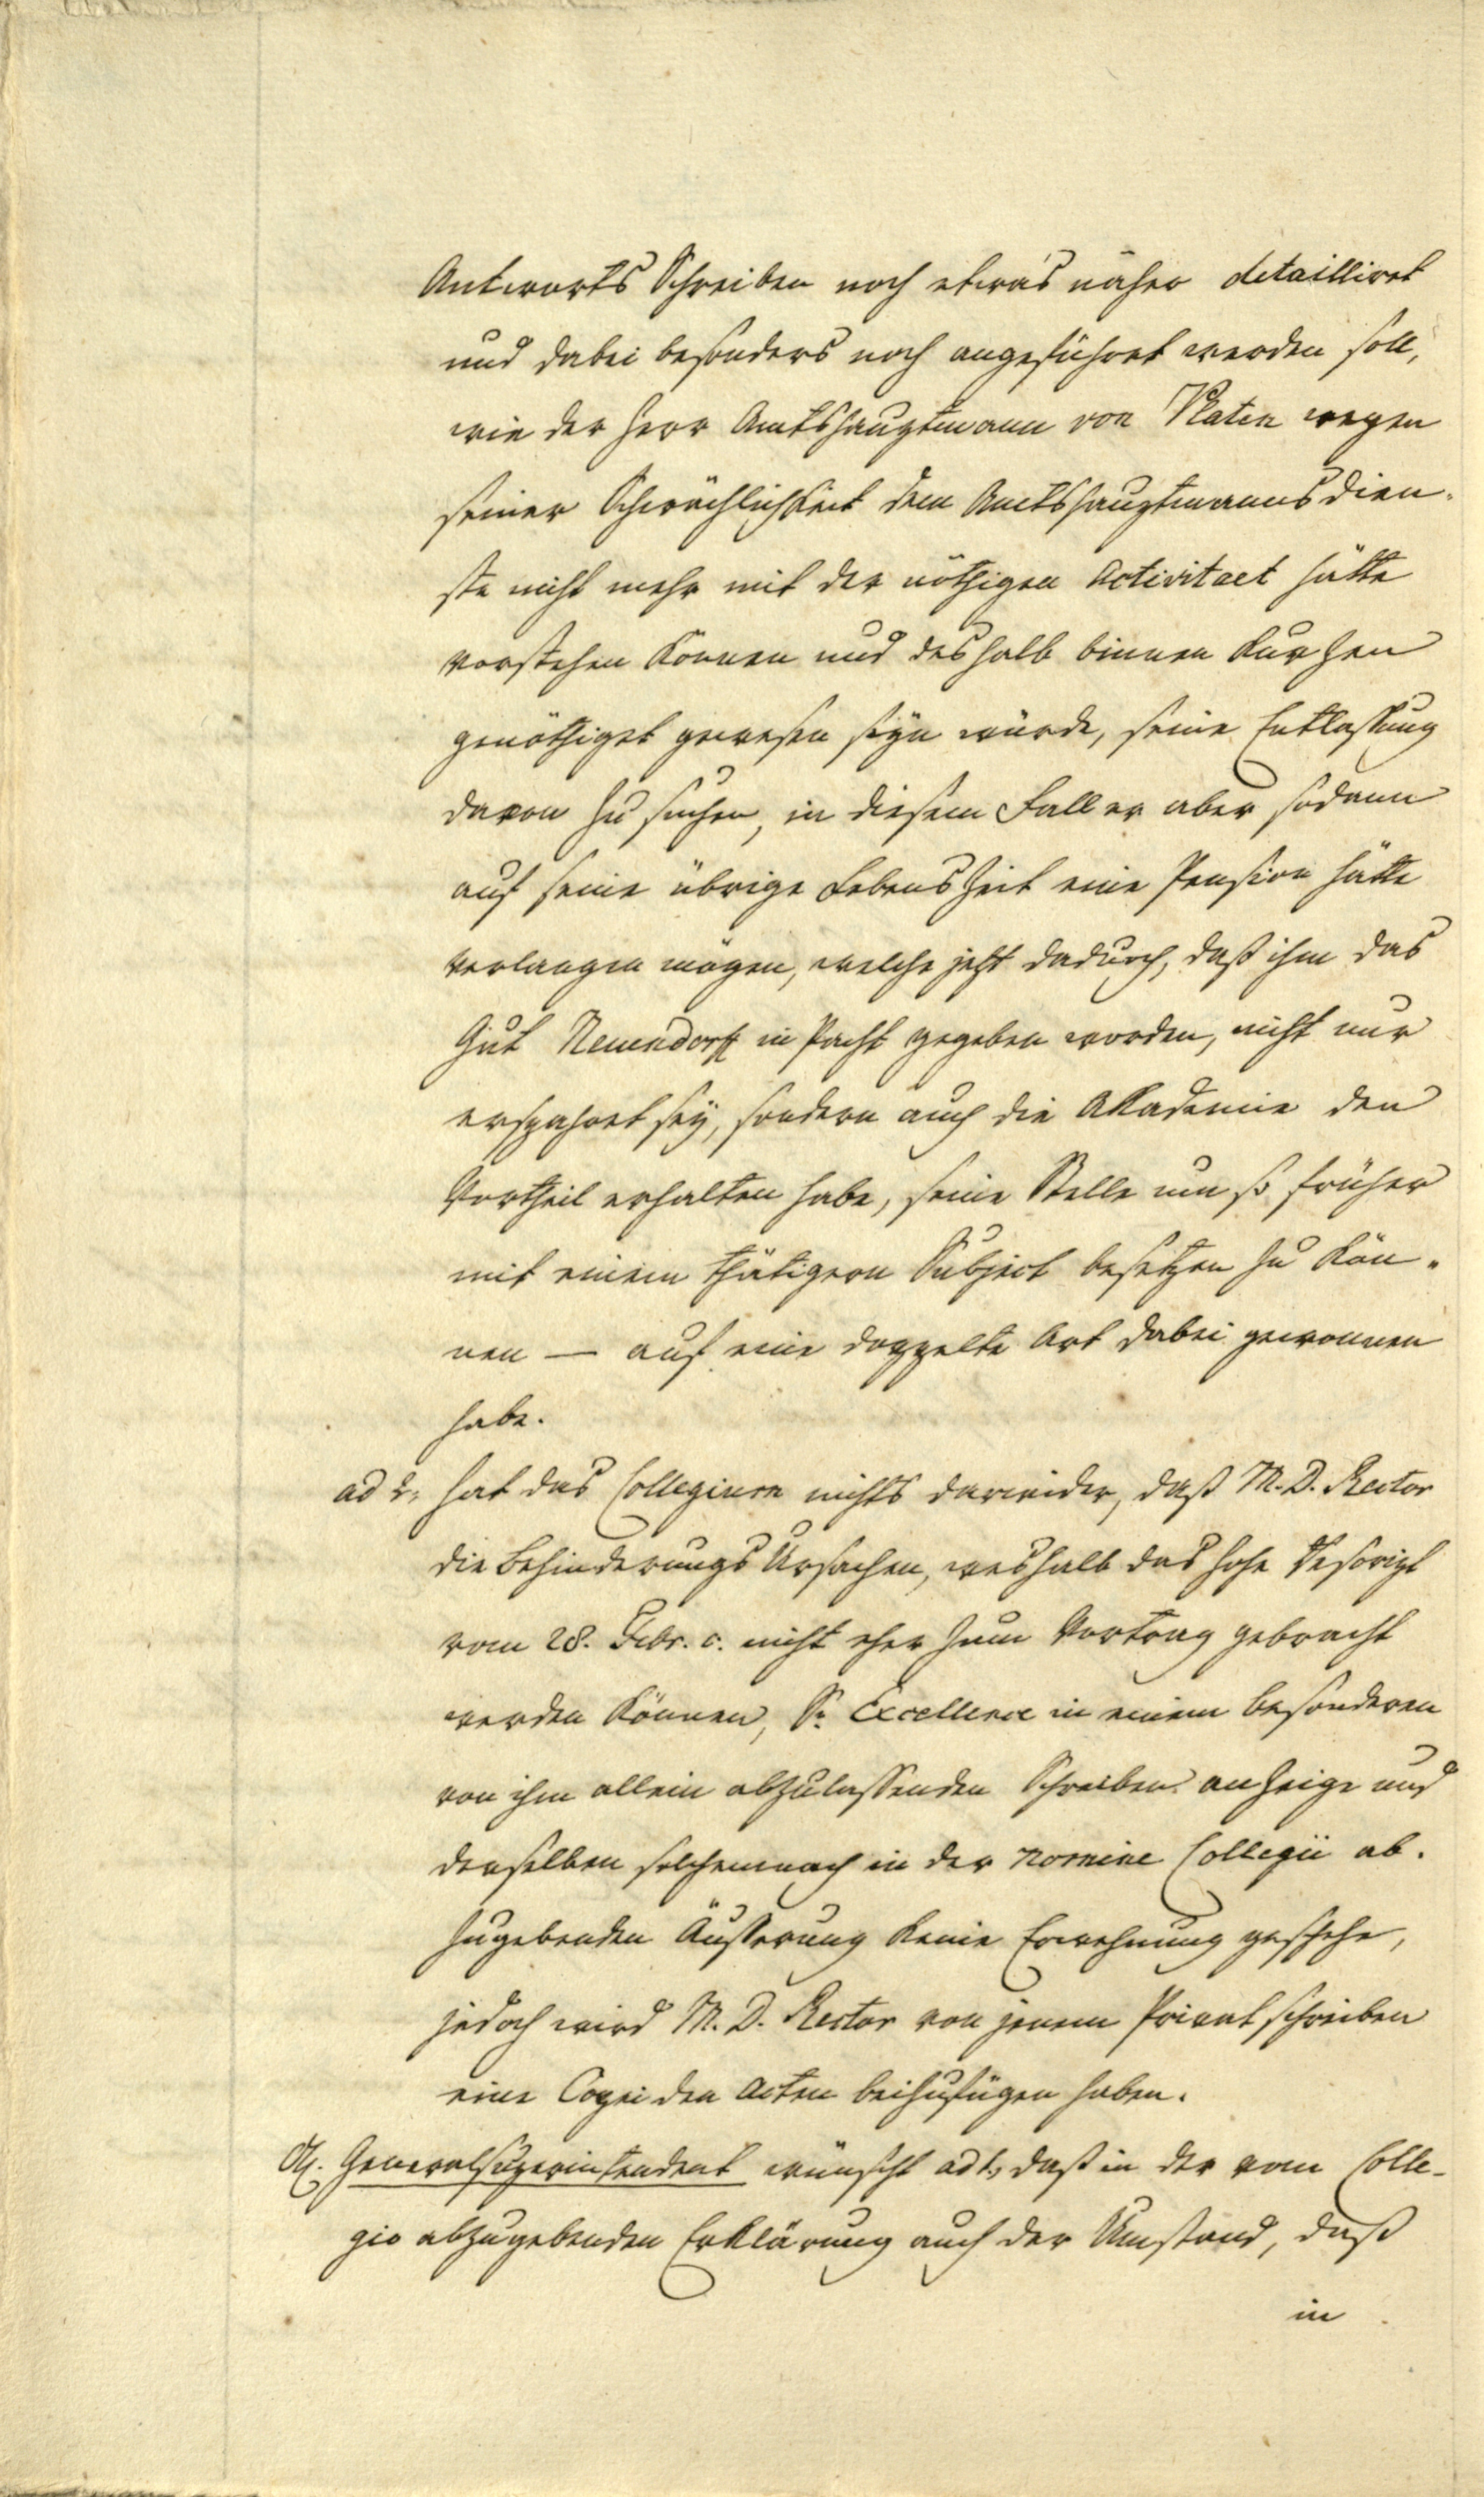Antworts Schreiben noch etwas näher detailliret
und dabei besonders noch angeführet werden soll,
wie der Herr Amtshauptmann von Platen wegen
seiner Schwächlichkeit dem Amtshauptmanns dien¬
ste nicht mehr mit der nöthigen Activitaet hätte
vorstehen können und des halb binnen kurzen
genöthiget gewesen seÿn würde, seine Entlassung
davon zu suchen, in diesem Fall er aber sodann
auf seine übrige Lebenszeit eine Pension hätte
verlangen mögen, welche jetzt dadurch, daß ihm das
Gut Neuendorff in Pacht gegeben worden, nicht nur
erspahret seÿ, sondern auch die Akademie den
Vortheil erhalten habe, seine Stelle um so früher
mit einem thätigen Subject besetzen zu kön¬
nen - auf eine doppelte Art dabei gewonnen
habe.
ad 2. hat das Collegium nichts darwider, daß M. D. Rector
die Behinderungs Ursachen, weshalb das hohe Rescript
vom 28. Febr. c. nicht eher zum Vortrag gebracht
werden können, Sr Excellence in einem besonderen
von ihm allein abzulassenden Schreiben anzeige und
derselben solchemnach in der nomine Collegii ab¬
zugebenden Äusserung keine Erwehnung geschehe,
jedoch wird M. D. Rector von jenem Privatschreiben
eine Copei den Acten beizufügen haben.
dh. Generalsuperintendent wünscht ad 1, daß in der vom Colle¬
gio abzugebenden Erklärung auch der Umstand, daß
in